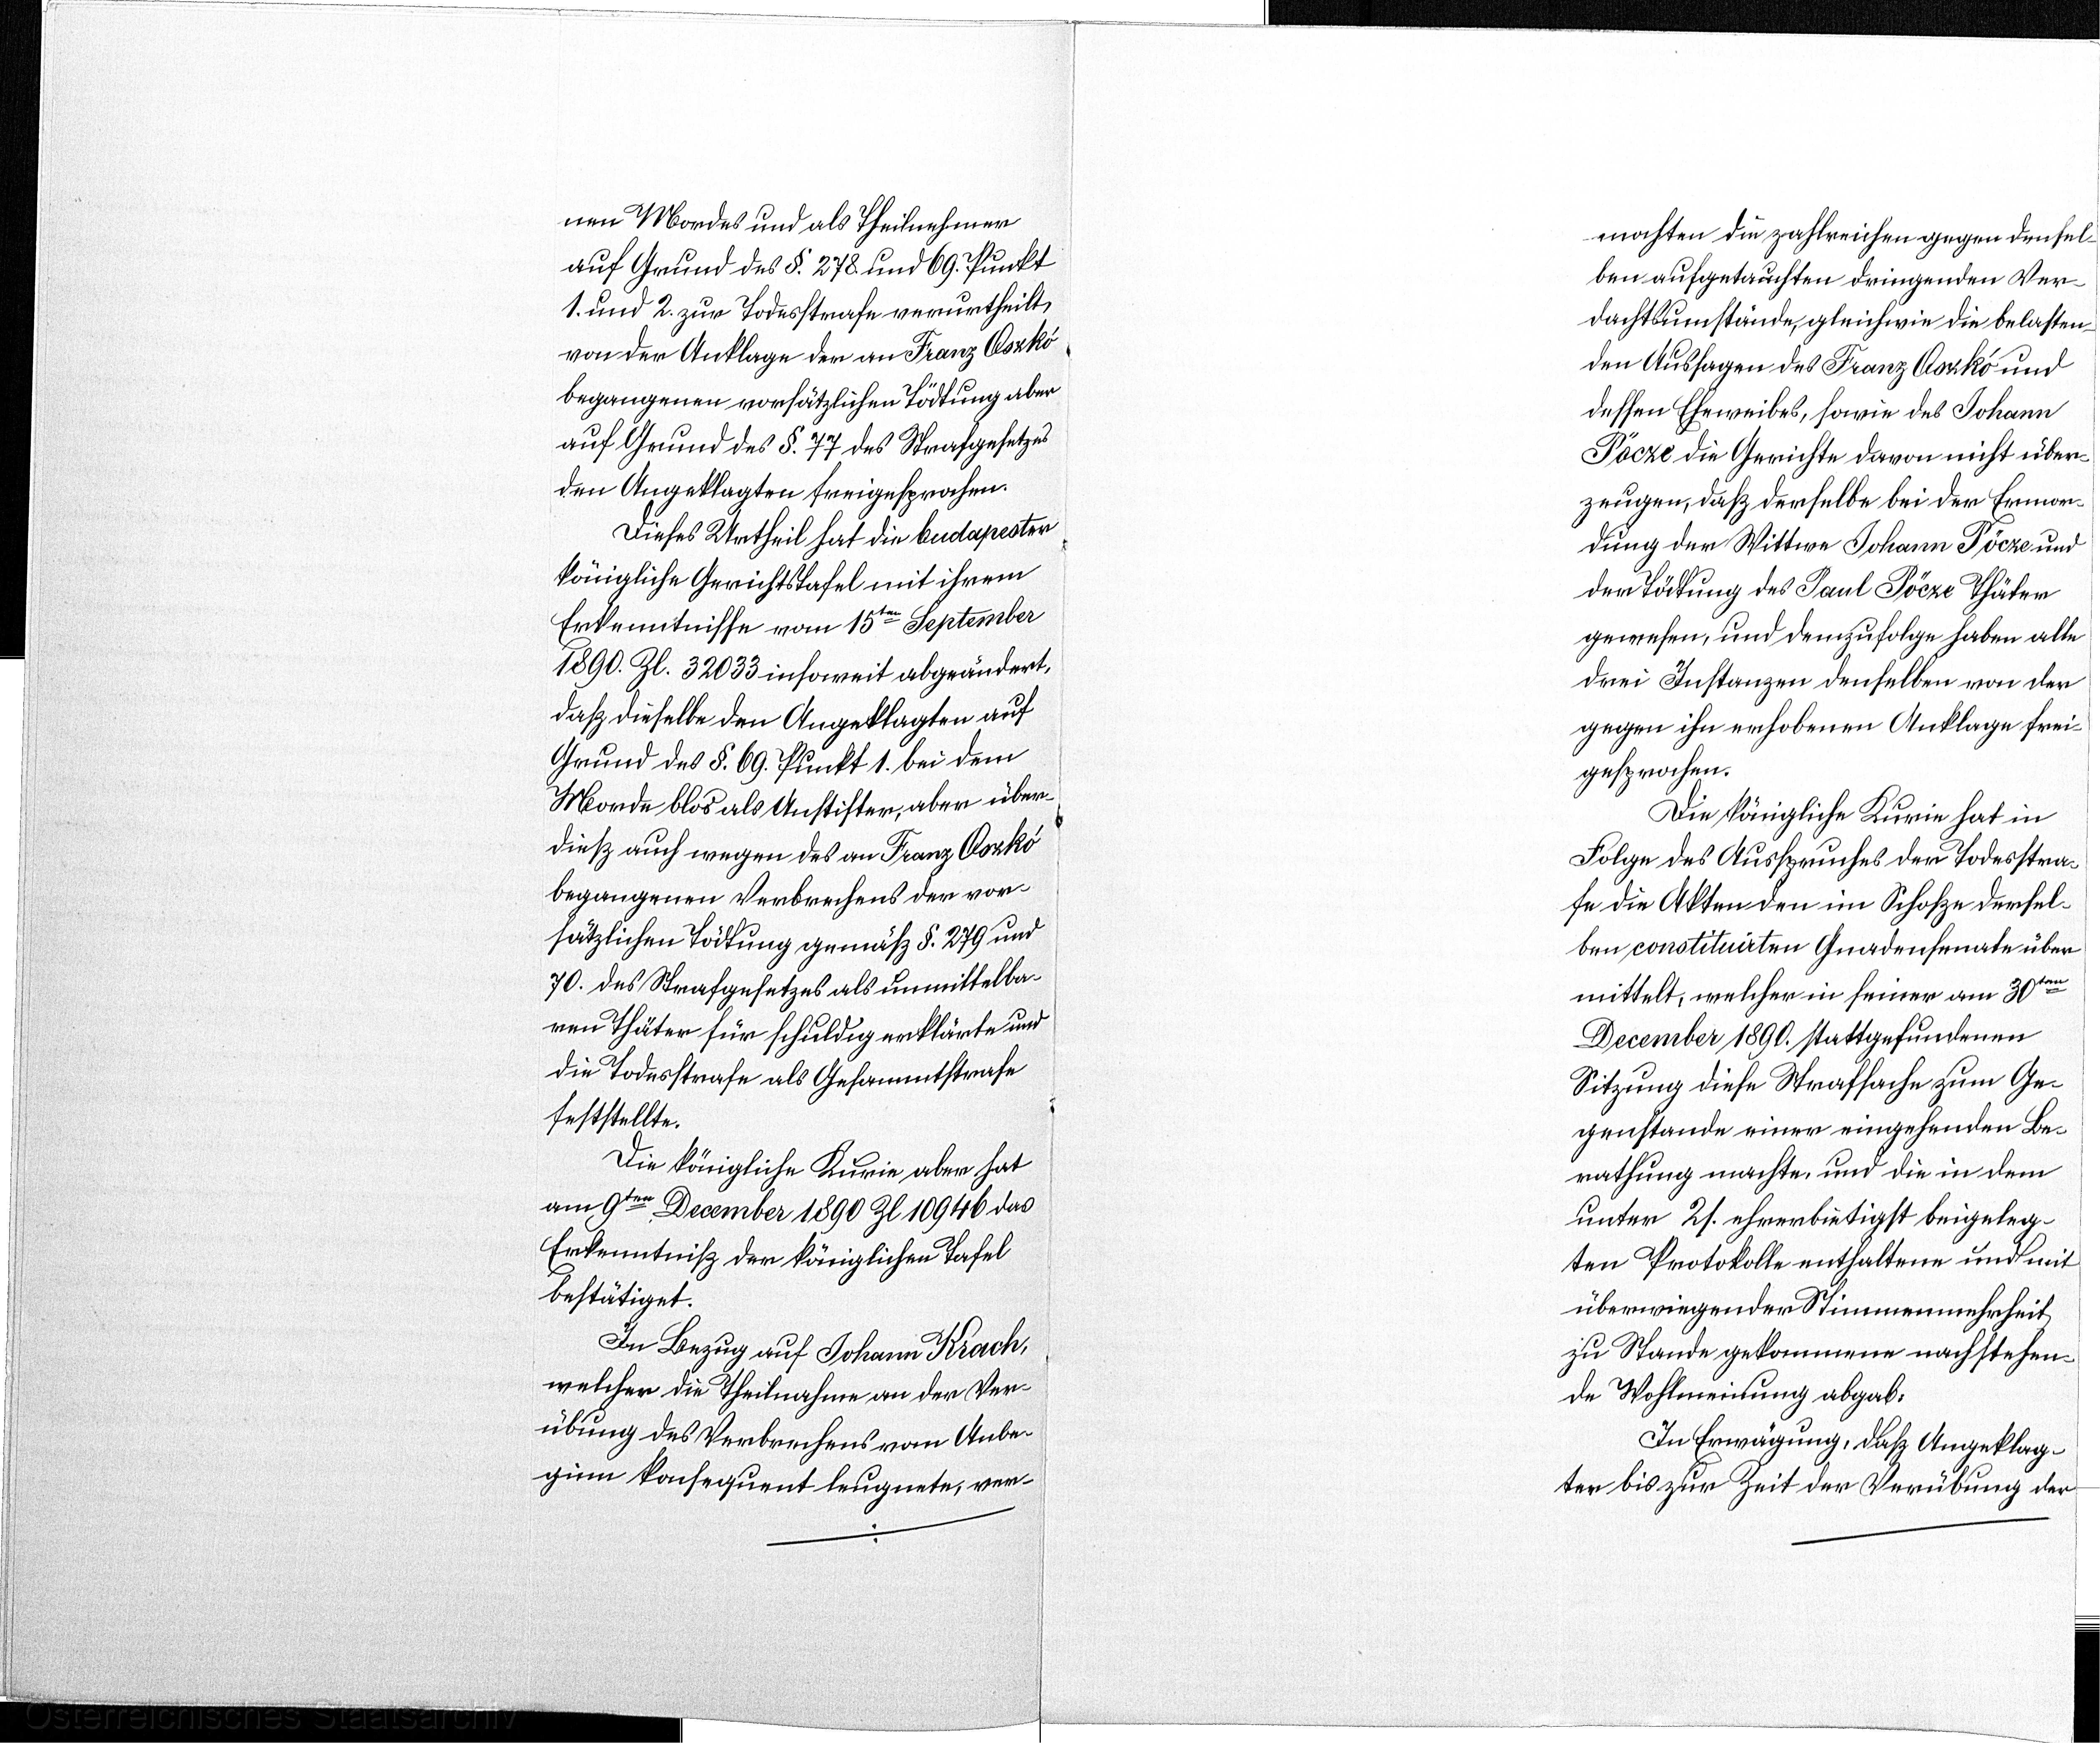nen Mordes und als Theilnehmer
auf Grudn des §278 und 69 Punkt
1. Und 2. Zur Todesstrafe verurtheilt,
von der Anklage der an Franz Oszkó
begangenen vorsätzlichen Tödtung aber
auf Grund des §77 des Strafgesetzes
den Angeklagten freigesprochen.
Dieses Urtheil hat die budapester
königliche Gerichtstafel mit ihrem
Erkenntnisse vom 15ten September
1890 Zl. 32033 infowei abgeändert,
daß dieselbe den Angeklagten auf
Grudn des §69 Punkt 1. Bei dem
Morde blos als Austifter, aber über¬
dieß auch wegen des an Franz Oszkó
begangenen Verbrechens der vor¬
sätzlichen Tödtung gemäß §279 und
70 des Strafgesetzes als unmittelba¬
ren Thäter für schuldig erklärte und
die Todesstrafe als Gesammtstrafe
feststellte.
Die königliche Kurie aber hat
am 9ten December 1890 Zl 10946 das
Erkentnniß der königlichen Tafel
bestätiget.
In Bezug auf Johann Krach,
welcher die Theilnahme an der Ver¬
übung des Verbrechens von Anbe¬
ginn konsequent leugnete, ver¬
mochten die zahlreichen gegen densel¬
ben aufgetrachten dringenden Ver¬
dachtsumstände, gleichwie die belasten¬
den Aussagen des Franz Oszkó und
dessen Eheweibes, sowie des Johann
Pöcze die Gerichte davon nicht über¬
zeugen, daß derselbe bei der Ermor¬
dung der Wittwe Johann Pöcze und
der Tödtung des Paul Pöcze Thäter
gewesen, und demzufolge haben alle
drei Instanzen denselben von der
gegen ihn erhobenen Anklage frei¬
gesprochen.
Die königliche Kurie hat in
Folge des Ausspruches der Todesstra¬
fe die Akten den im Schoße dersel¬
ben constituirten Gnadensenate über¬
mittelt, welcher in seiner am 30ten
December 1890 stattgefundenen
Sitzung diese Strafsache zum Ge¬
genstande einer eingehenden Be¬
rathung machte, und die in dem
unter 2? Ehrerbietigst beigeleg¬
ten Protokolle enthaltene und mit
überwiegender Stimmenmehrheit
zu Stande gekommene nachstehen¬
de Wohlmeinung abgab.
In Erwägung, daß Angeklag¬
ter bis zur Zeit der Verübung der